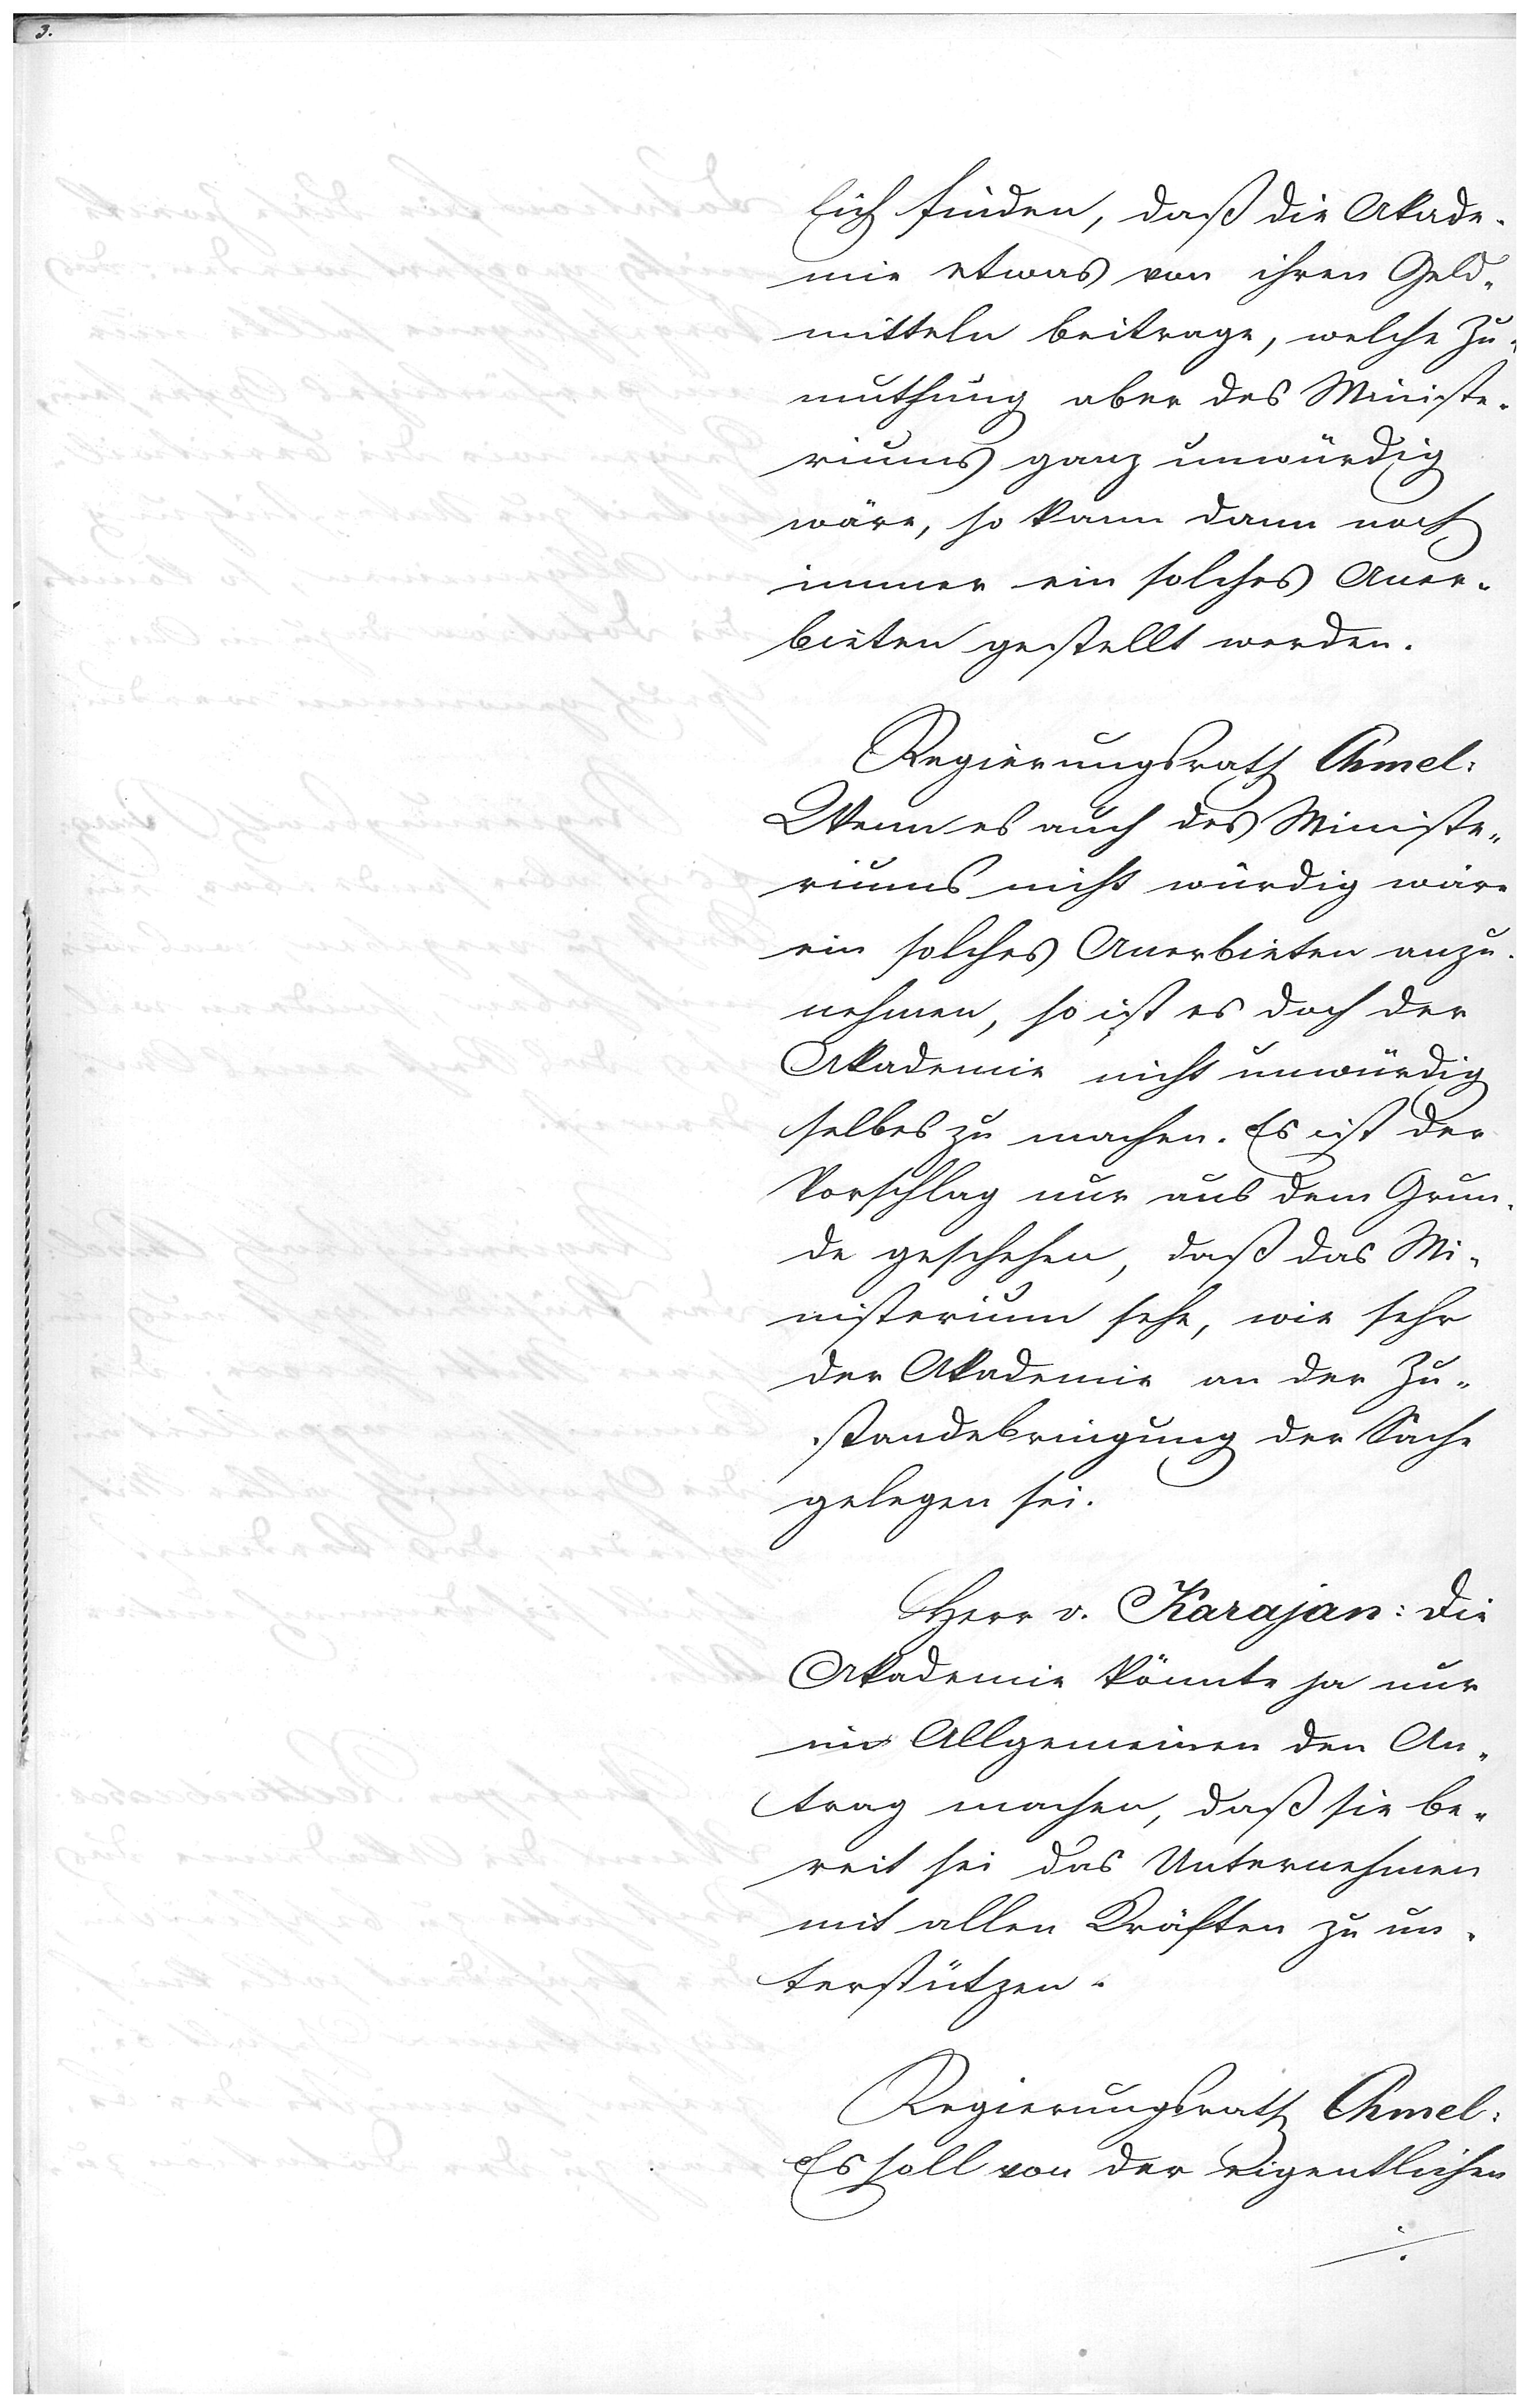lich finden, daß die Akade-
mie etwas von ihren Geld-
mitteln beitrage, welche Zu-
muthung aber des Ministe-
riums ganz unwürdig
wäre, so kann dann noch
immer ein solches Aner-
bieten gestellt werden.
Regierungsrath Chmel:
Wenn es auch des Ministe-
riums nicht würdig wäre
ein solches Anerbieten anzu-
nehmen, so ist es doch der
Akademie nicht unwürdig
selbes zu machen. Es ist der
Vorschlag nur aus dem Grun-
de geschehen, daß das Mi-
nisterium sehe, wie sehr
der Akademie an der Zu-
standebringung der Sache
gelegen sei.
Herr v. Karajan: Die
Akademie könnte ja nur
im Allgemeinen den An-
trag machen daß sie be-
reit sei das Unternehmen
mit allen Kräften zu un-
terstützen.
Regierungsrath Chmel:
Es soll von der eigentlichen